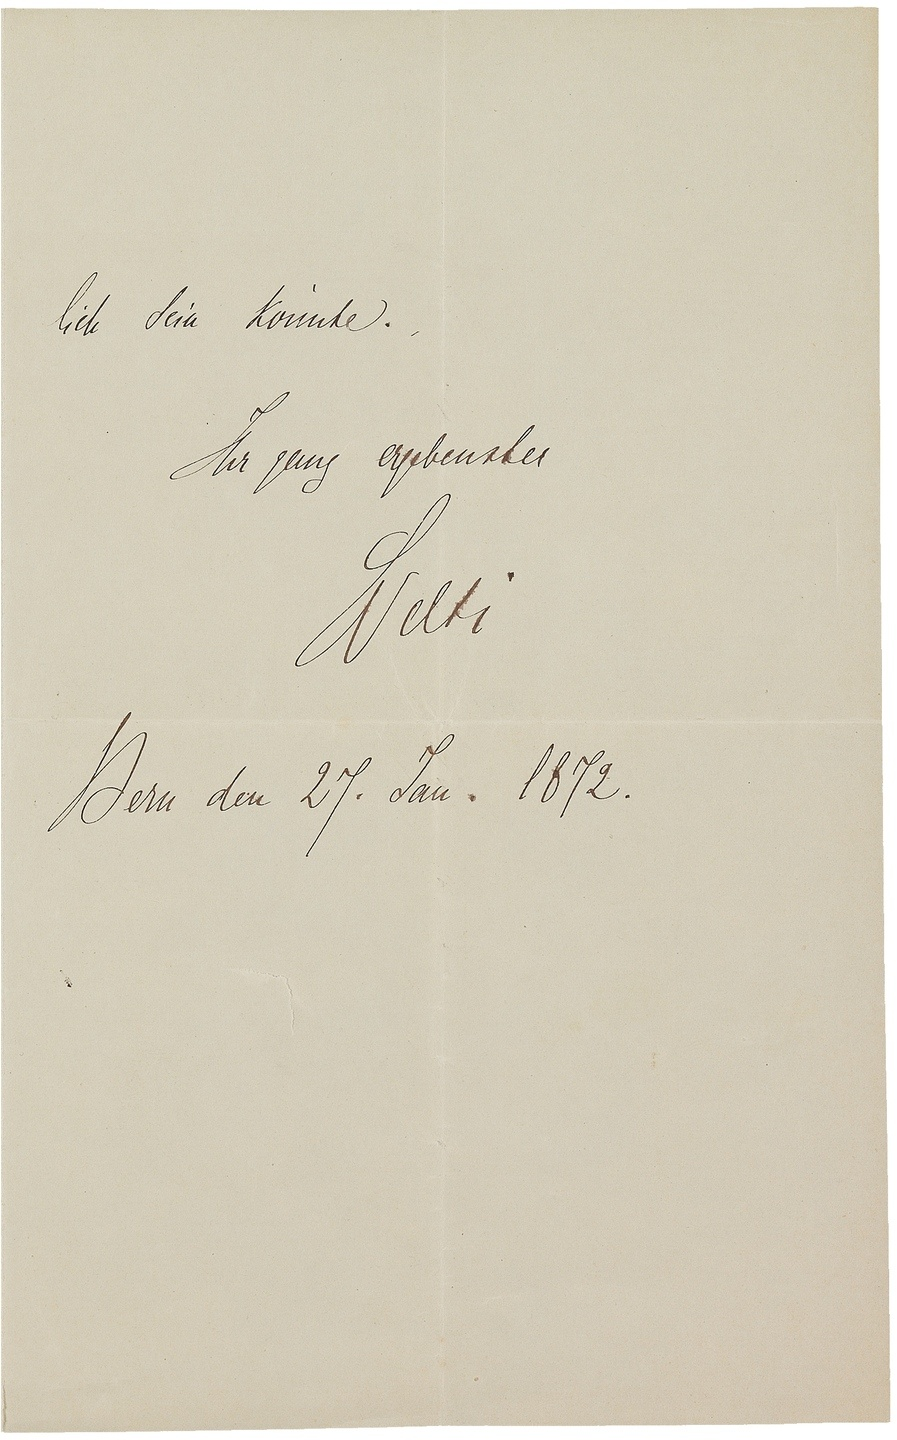lich sein könnte.
Ihr ganz ergebenster
Welti
Bern den 27. Jan. 1872.